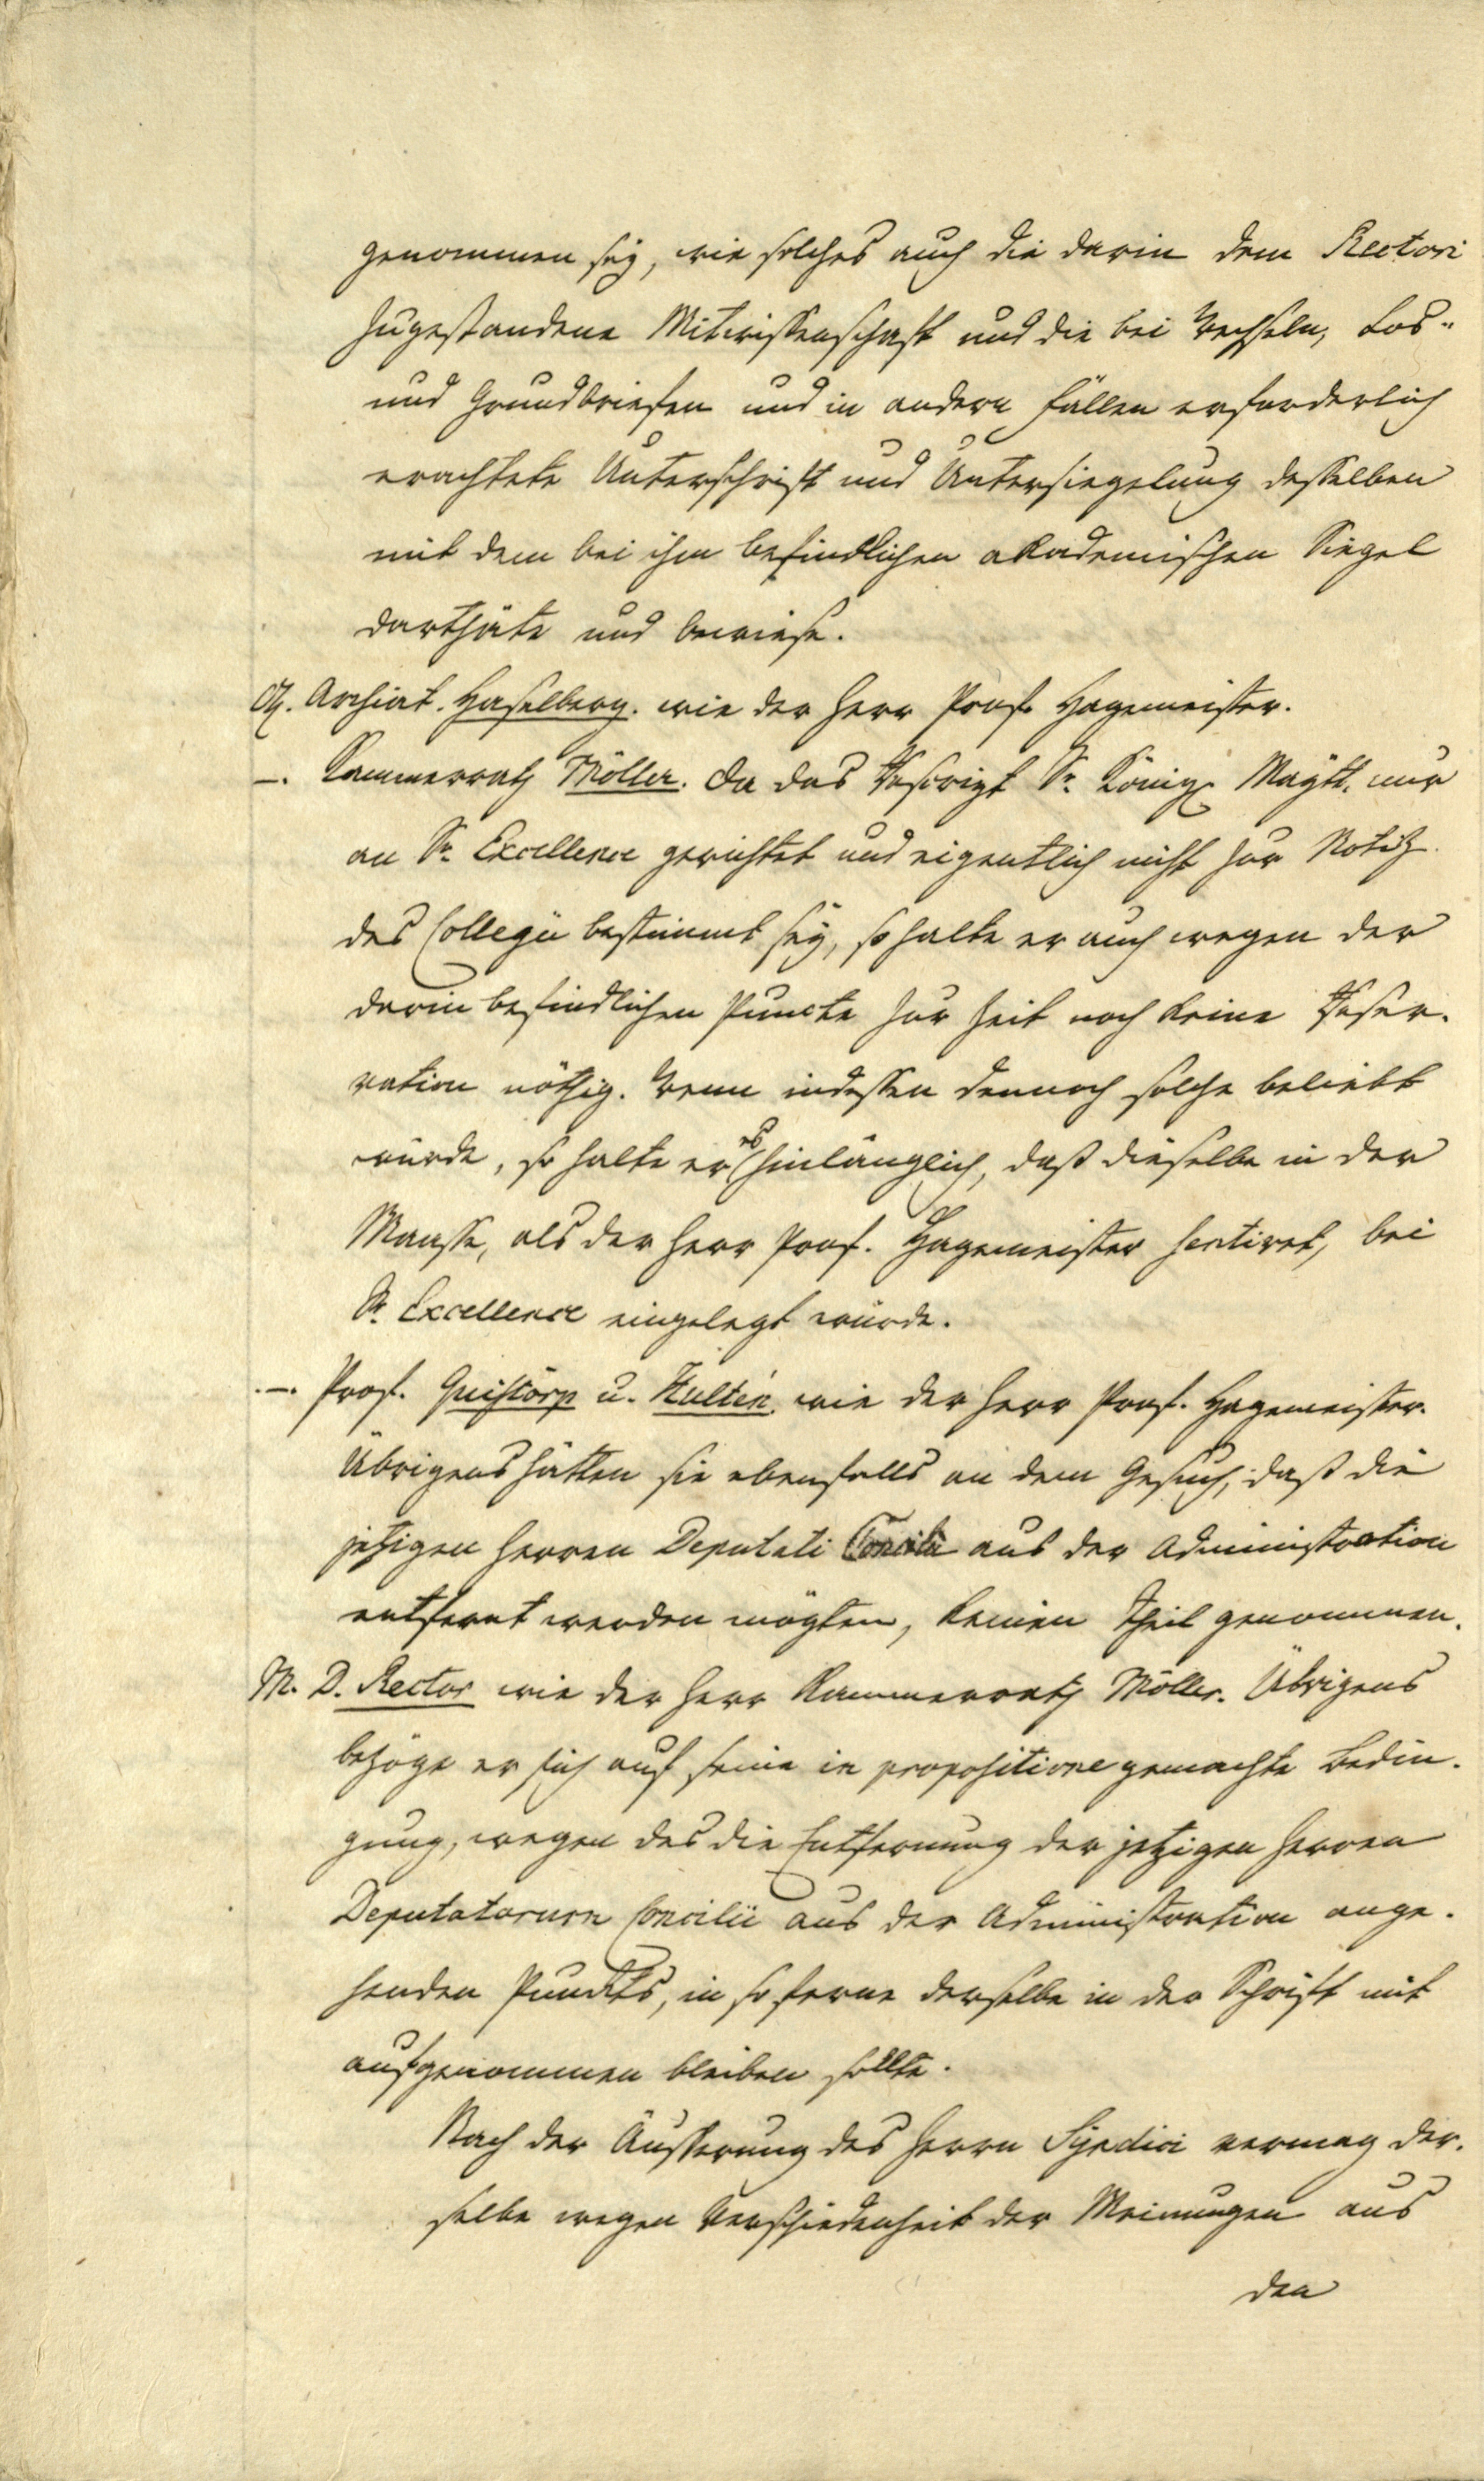genommen seÿ, wie solches auch die darin dem Rectori
zugestandene Mitwissenschaft und die bei Wechseln, Los¬
und Grundbriefen und in andern Fällen erforderlich
erachtete Unterschrift und Untersiegelung desselben
mit dem bei ihm befindlichen akademischen Siegel
darthäte und bewiese.
dh. Archiat. Haselberg. wie der Herr Prof. Hagemeister.
Kamerrath Möller. Da das Rescript Sr Königl. Maÿtt. nur
an Sr Excellence gerichtet und eigentlich nicht zur Notiz
des Collegii bestimmt seÿ, so halte er auch wegen der
darin befindlichen Puncte zur Zeit noch keine Reser¬
vation nöthig. Wenn indessen dennoch solche beliebt
würde, so halte er es hinlänglich, daß dieselbe in der
Maasse, als der Herr Prof. Hagemeister sentiret, bei
Sr Excellence eingelegt würde.
Prof. Quistorp. u. Hultén, wie der Herr Prof. Hagemeister.
Übrigens hätten sie ebenfalls an dem Gesuch, daß die
jetzigen Herren Deputati Concilii aus der Administration
entfernt werden mögten, keinen Theil genommen.
M. D. Rector wie der Herr Kammerrath Möller. Übrigens
bezöge er sich auf seine in propositione gemachte Bedin¬
gung, wegen des die Entfernung der jetzigen Herren
Deputatorum Concilii aus der Administration ange¬
henden Punckts, in so ferne derselbe in der Schrift mit
aufgenommen bleiben sollte.
Nach der Äusserung des Herrn Sÿndici vermag der¬
selbe wegen Verschiedenheit der Meinungen aus
den